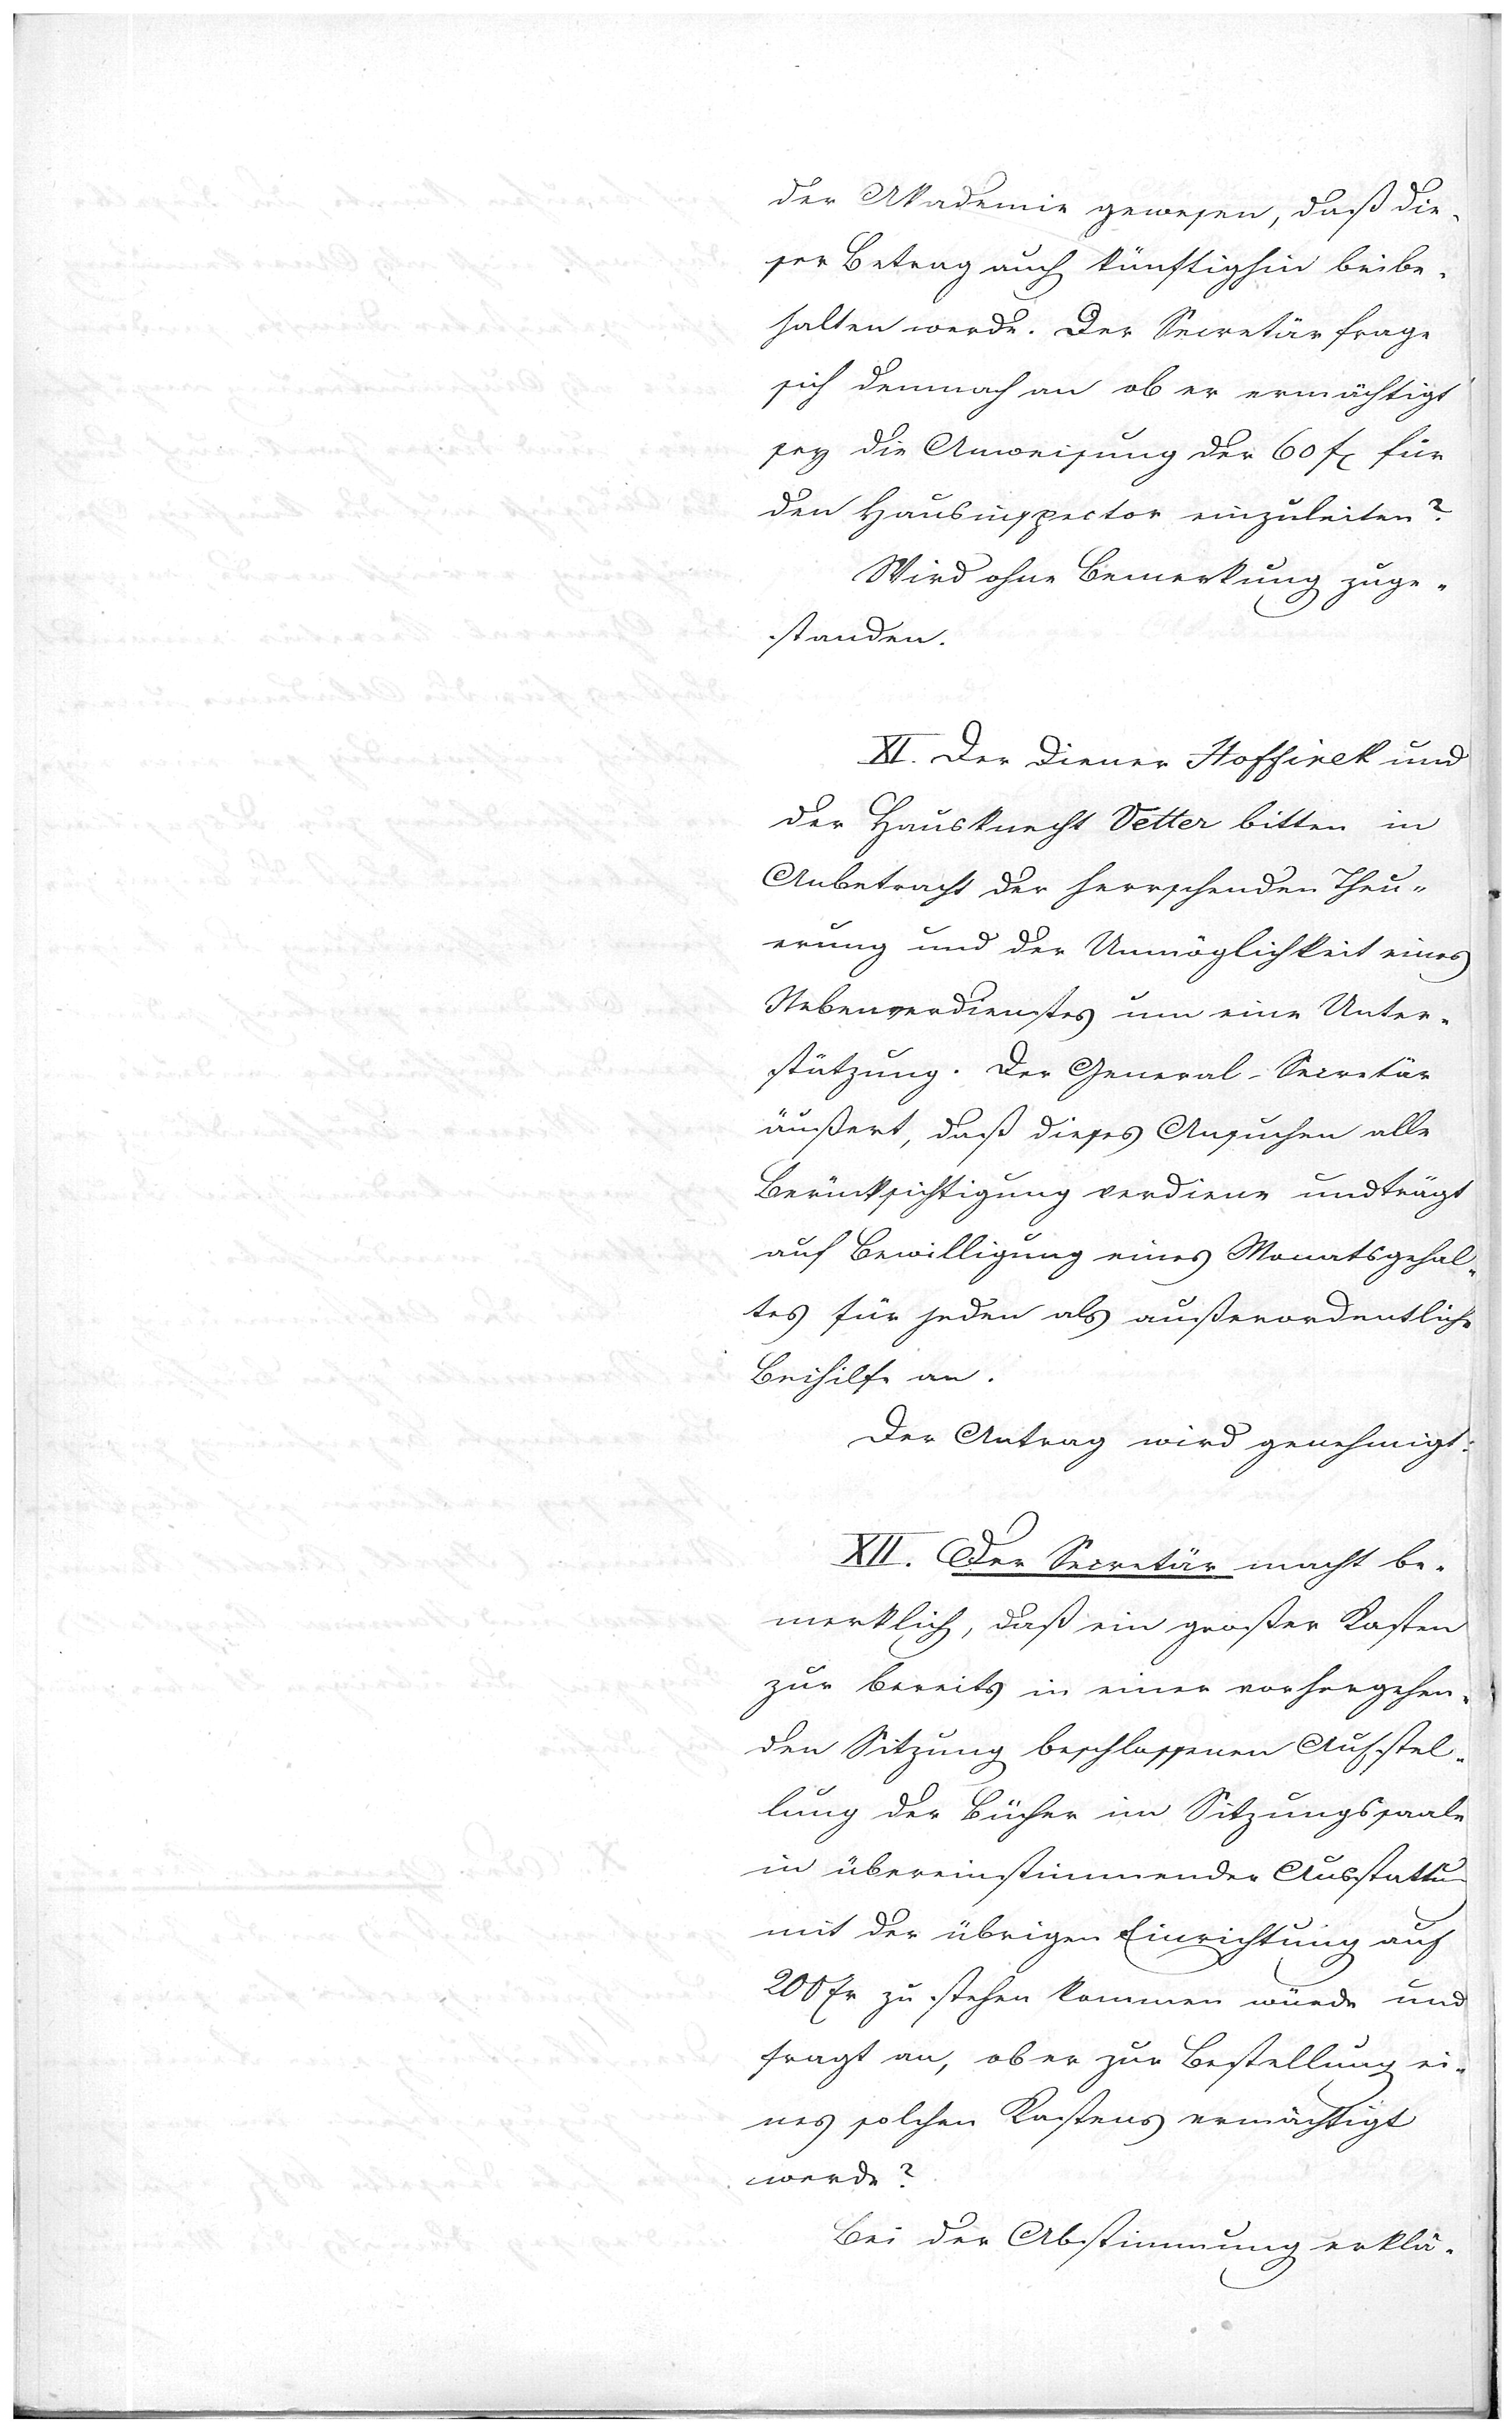der Akademie gewesen, daß die-
ser Betrag auch künftighin beibe-
halten werde. Der Secretär frage
sich demnach an ob er ermächtigt
sey die Anweisung der 60 fl. für
den Hausinspector einzuleiten?
Wird ohne Bemerkung zuge-
standen.
XI Der Diener Hoffirek und
der Hausknecht Vetter bitten in
Anbetracht der herrschenden Theu-
erung und der Unmöglichkeit eines
Nebenverdienstes um eine Unter-
stützung. Der General-Secretär
äußert, daß dieses Ansuchen alle
Berücksichtigung verdiene und trägt
auf Bewilligung eines Monatsgehal-
tes für jeden als außerordentliche
Beihilfe an.
Der Antrag wird genehmigt.
XII. Der Secretär macht be-
merklich, daß ein großer Kasten
zur bereits in einer vorhergehen-
den Sitzung beschlossnen Aufstel-
lung der Bücher im Sitzungssaale
in übereinstimmender Ausstattung
mit der übrigen Einrichtung auf
200 fr zu stehen kommen würde und
fragt an, ob er zur Bestellung ei-
nes solchen Kastens ermächtigt
werde?
Bei der Abstimmung erklä-